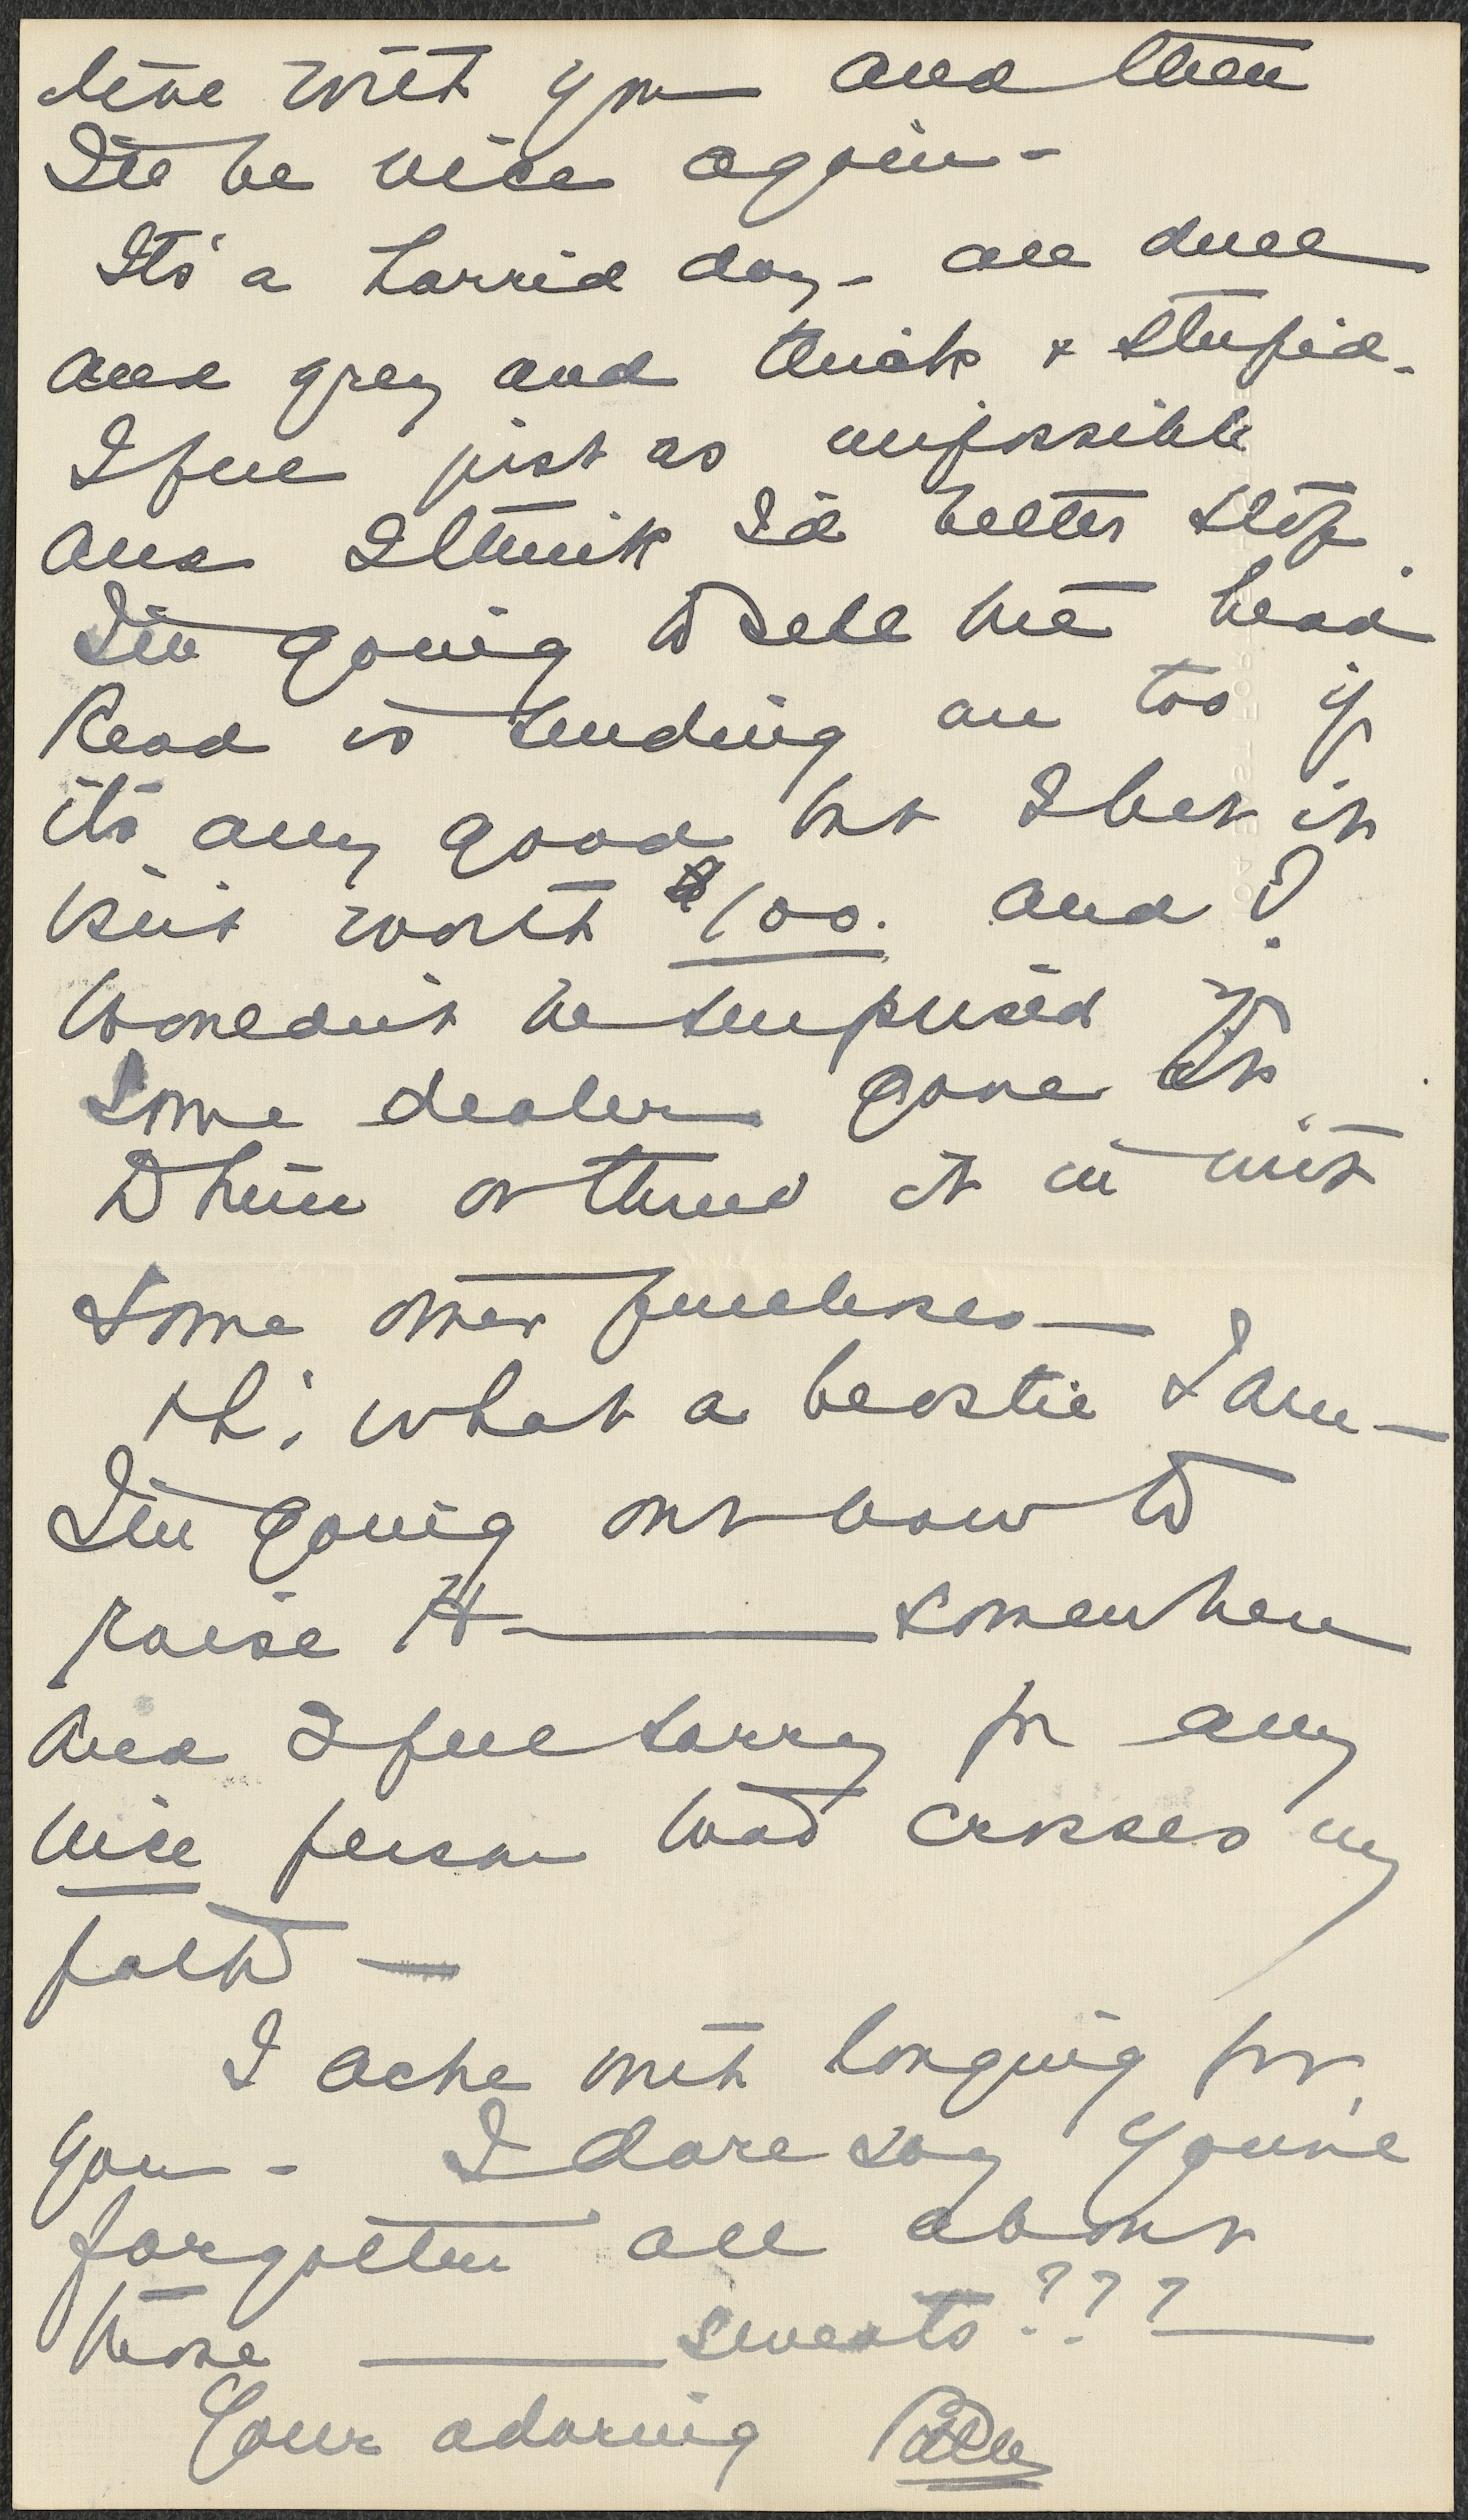live with you and then I’ll be nice again –
It’s a horrid day – all dull and grey and thick & stupid. I feel just as impossible and I think I’d better stop. I’m going to sell the head Read is sending me too if its [sic] any good but I bet it isn’t worth $100. and I wouldn’t be surprised if some dealer gave it to him or threw it in with some other purchases –
oh! what a beastie I am – I’m going out now to raise H____ somewhere and I feel sorry for any nice person that crosses my path –
I ache with longing for you – I dare say you’ve forgotten all about those _______ sweats??? _____
Your adoring [double underlined: Belle]